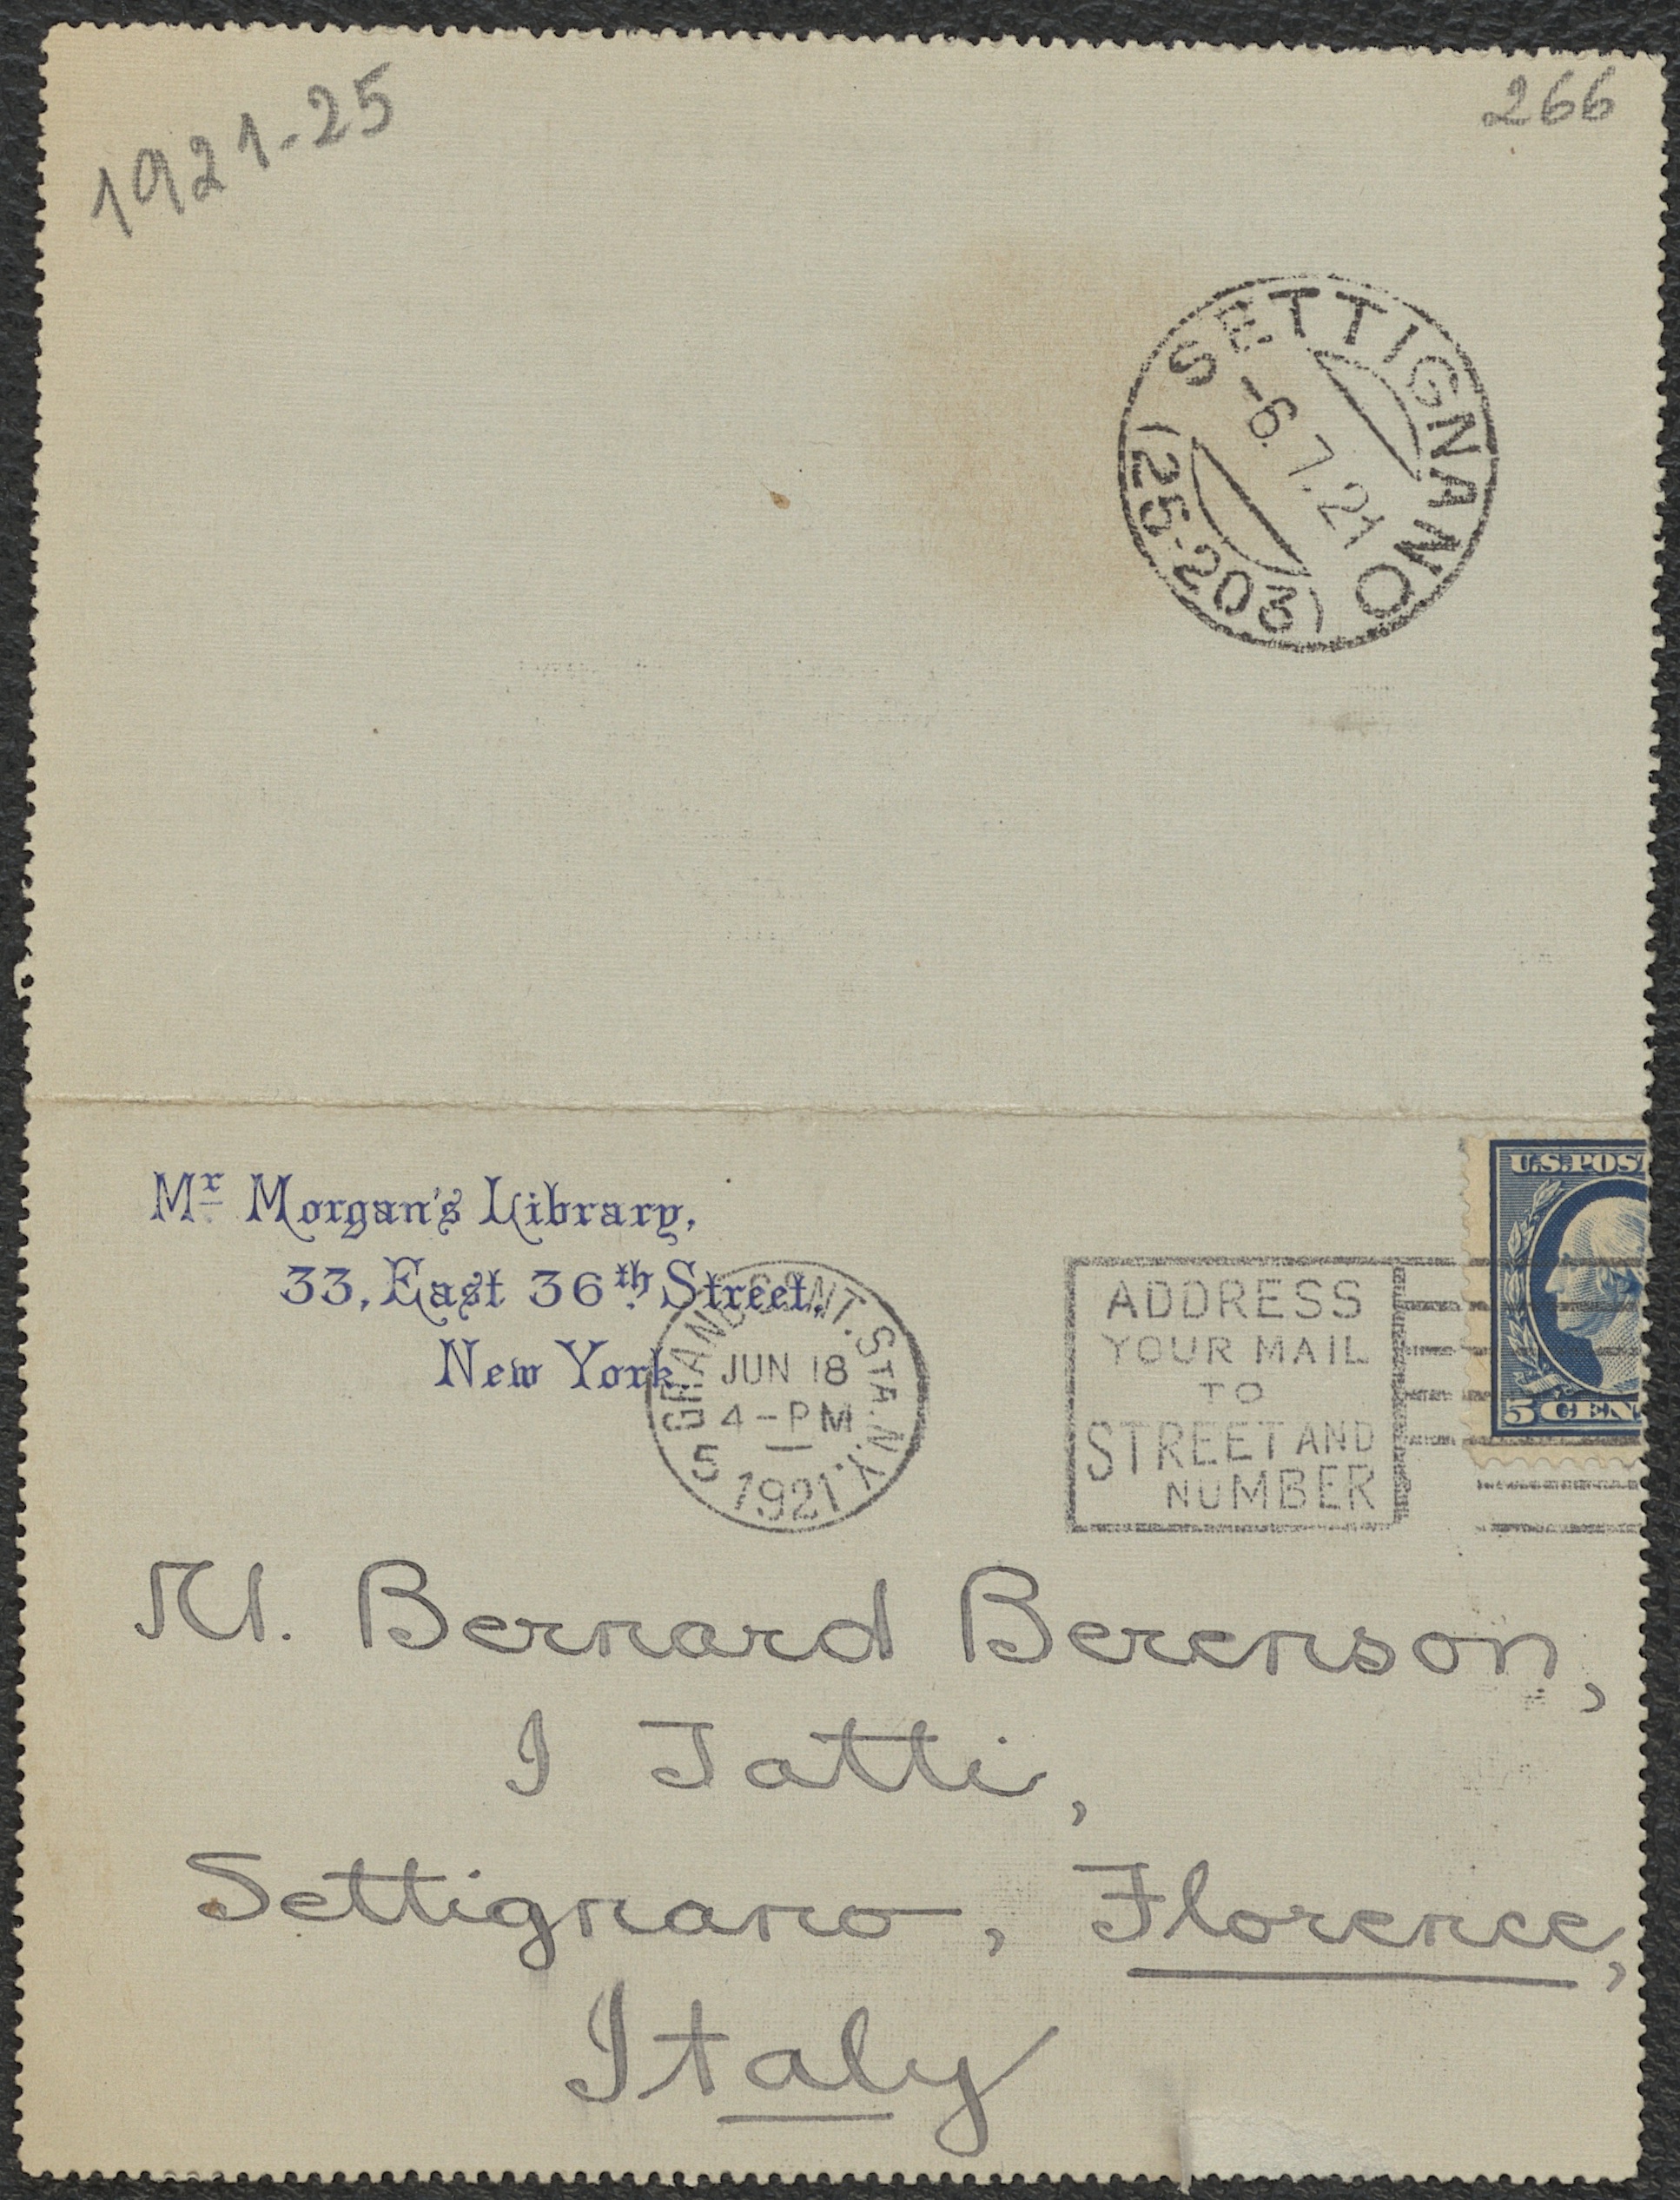M. Bernard Berenson,
I Tatti,
Settignano, Florence,
Italy